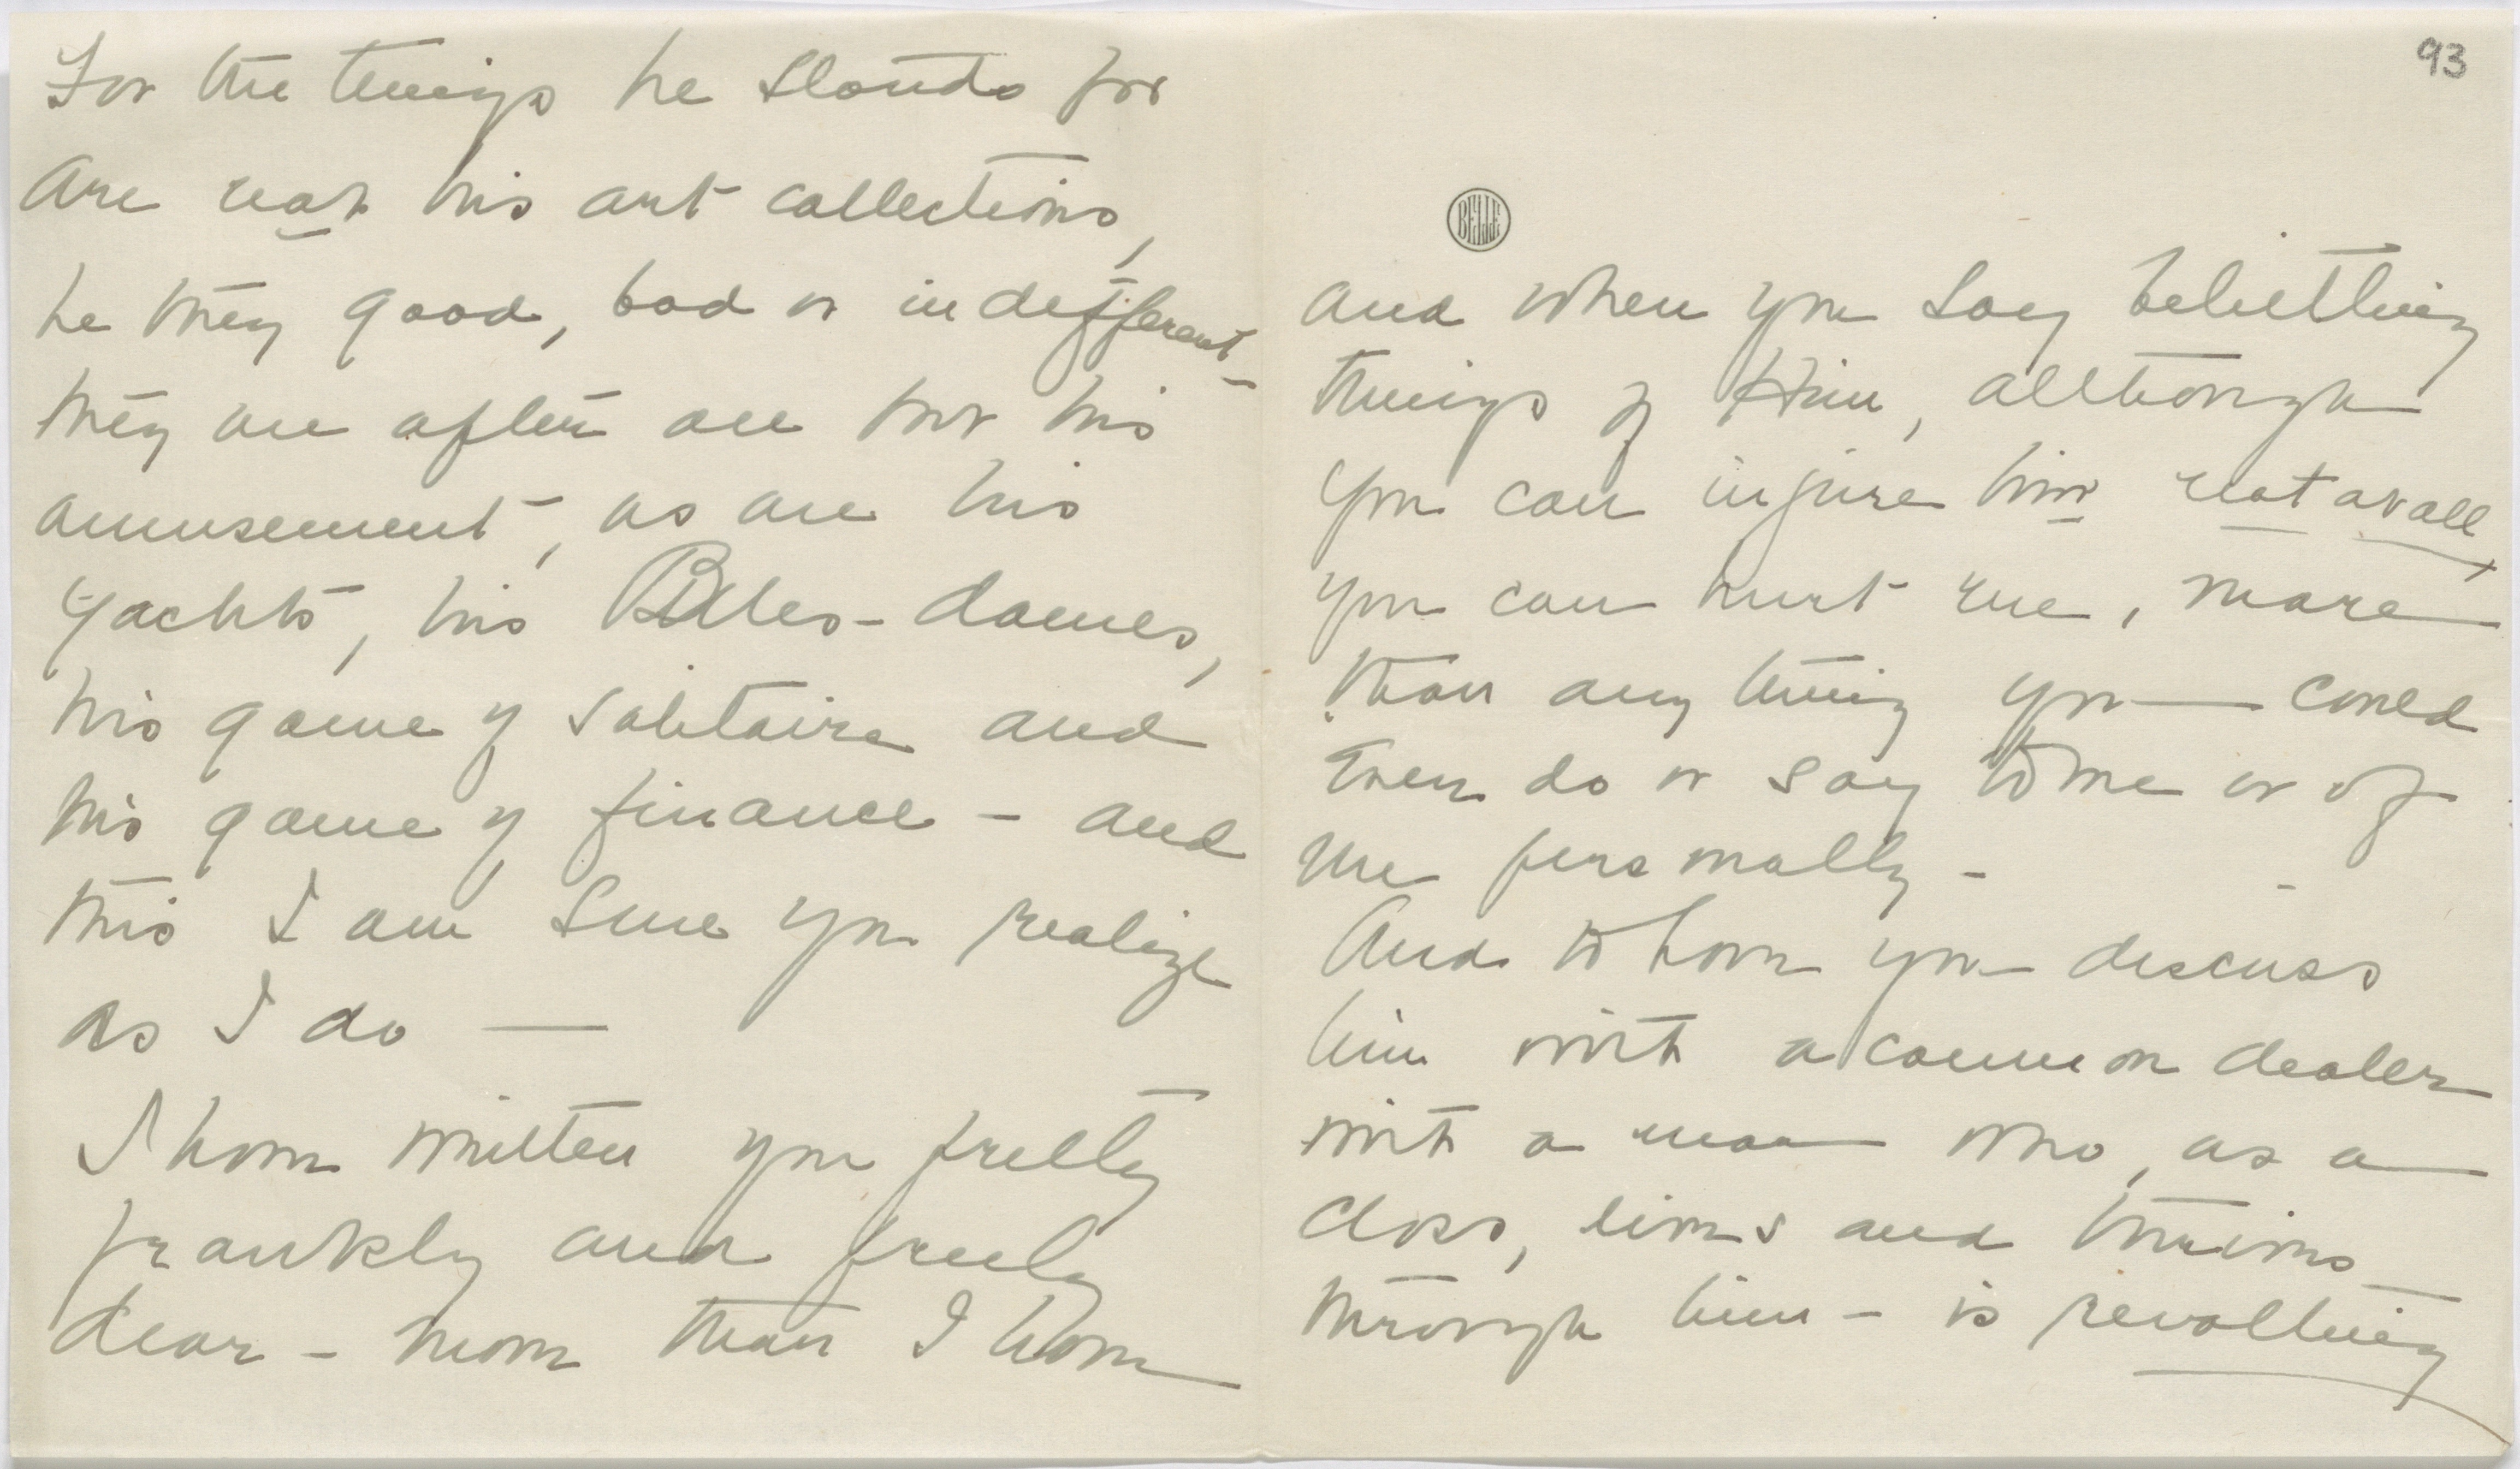and when you say belittling things of Him, although you can injure him not at all, you can hurt me, more than any thing you – could ever do or say to me or of me personally –
And to have you discuss him with a common dealer with a man who, as a class, lives and thrives through him – is revolting
For the things he stands for are not his art collections, be they good, bad or indifferent – they are after all for his amusement, as are his yacht, his Belles-dames, his game of solitaire and his game of finance – and this I am sure you realize as I do –
I have written you pretty frankly and freely dear – more than I have